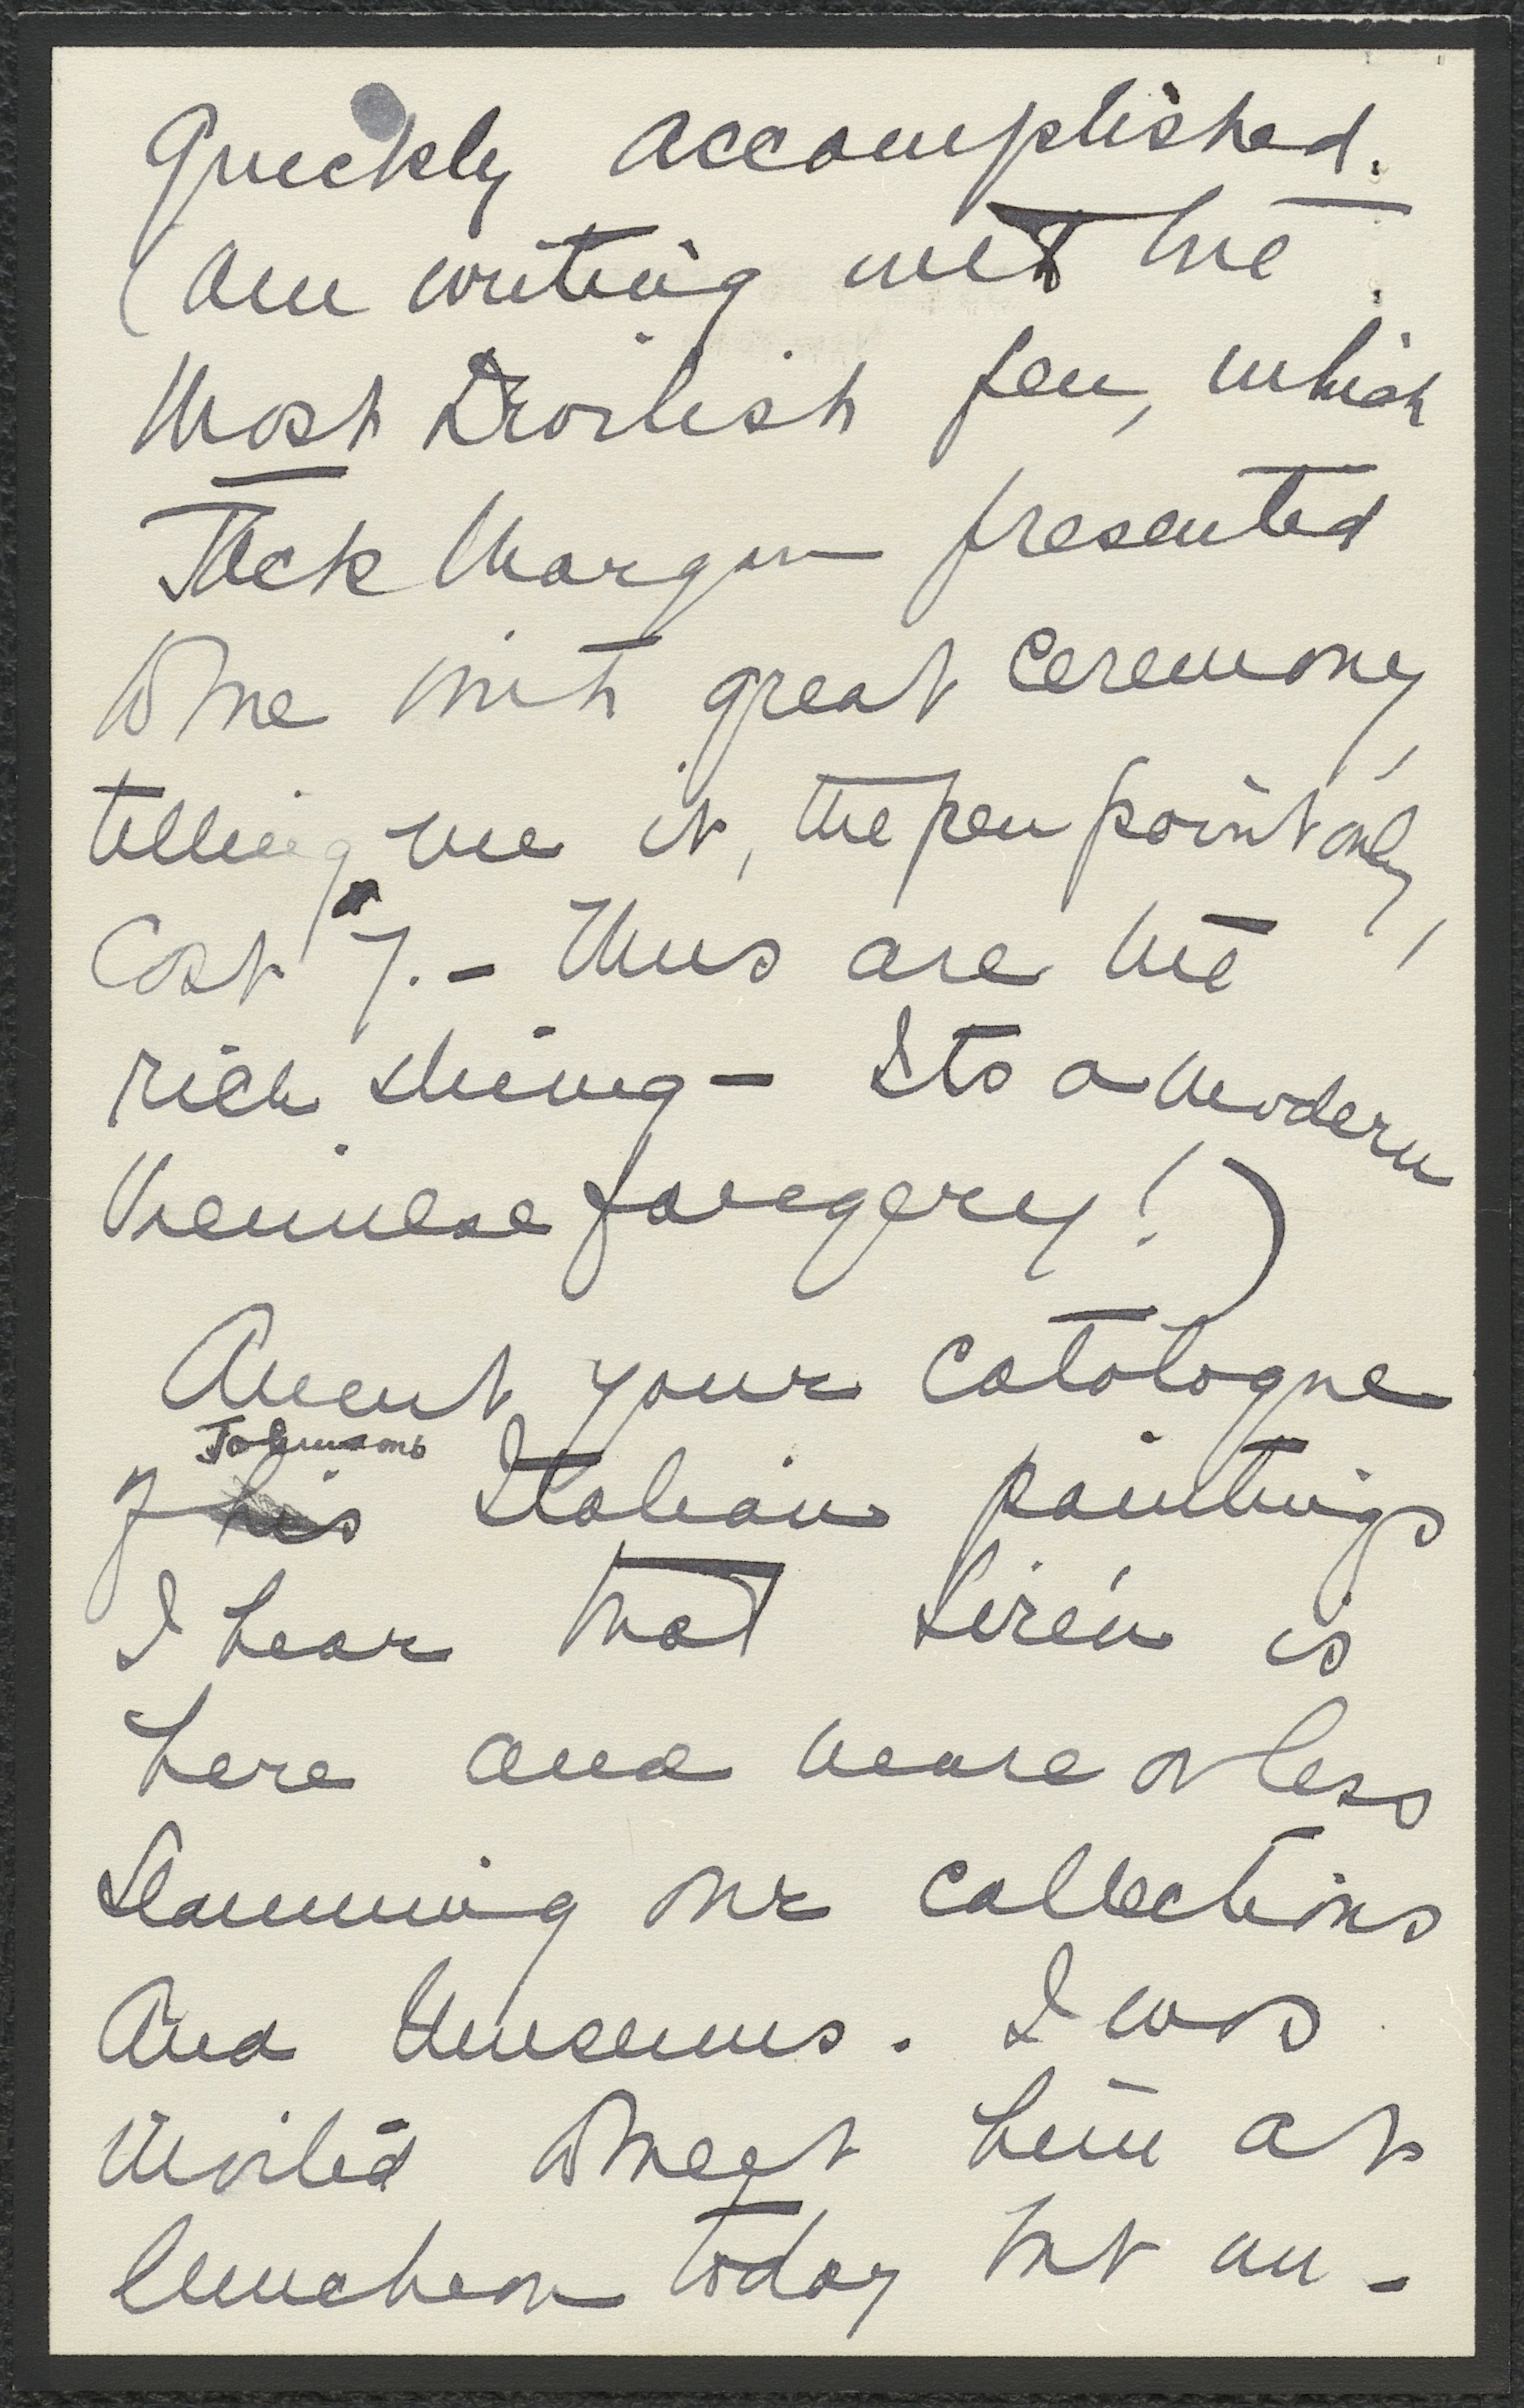quickly accomplished. (Am writing with the most Devilish pen, which Jack Morgan presented to me with great ceremony, telling me it, the pen point only, cost $7. – Thus are the rich strung – Its a modern Viennese forgery!)
About your catalogue of his [^Johnson’s^] Italian paintings I hear that Sirén is here and more or less slamming our collections and Museums. I was invited to meet him at luncheon today but un –